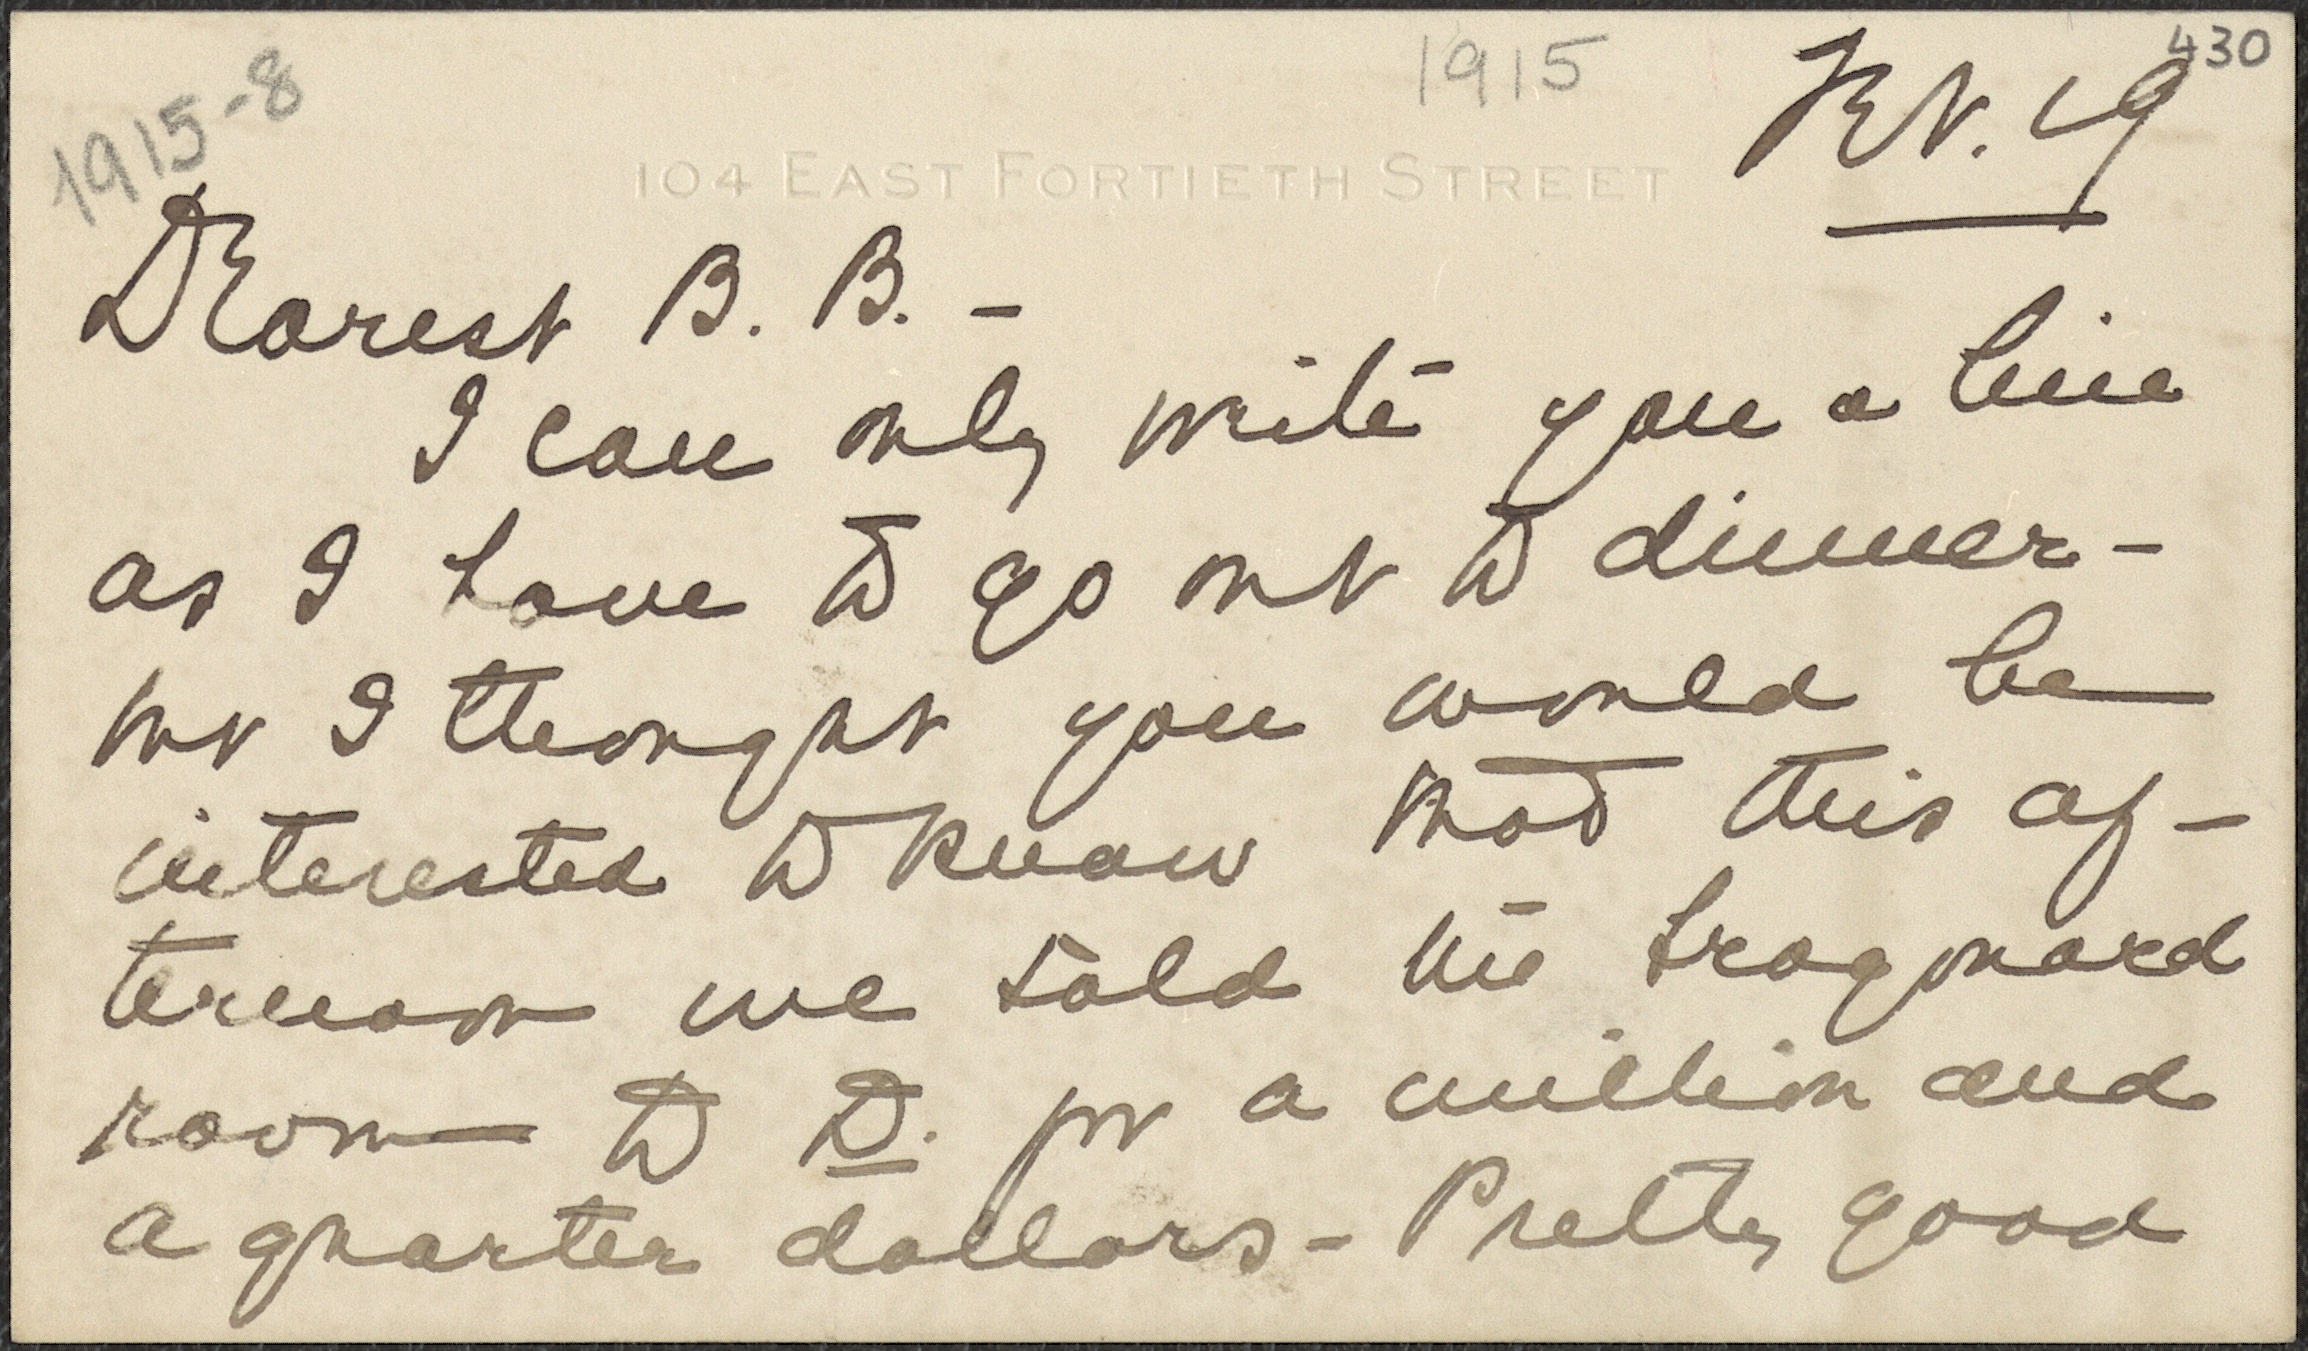Feb. 19
Dearest B. B. –
I can only write you a line as I have to go out to dinner – but I thought you would be interested to know that this afternoon we sold the Fragonard room to D. for a million and a quarter dollars – Pretty good